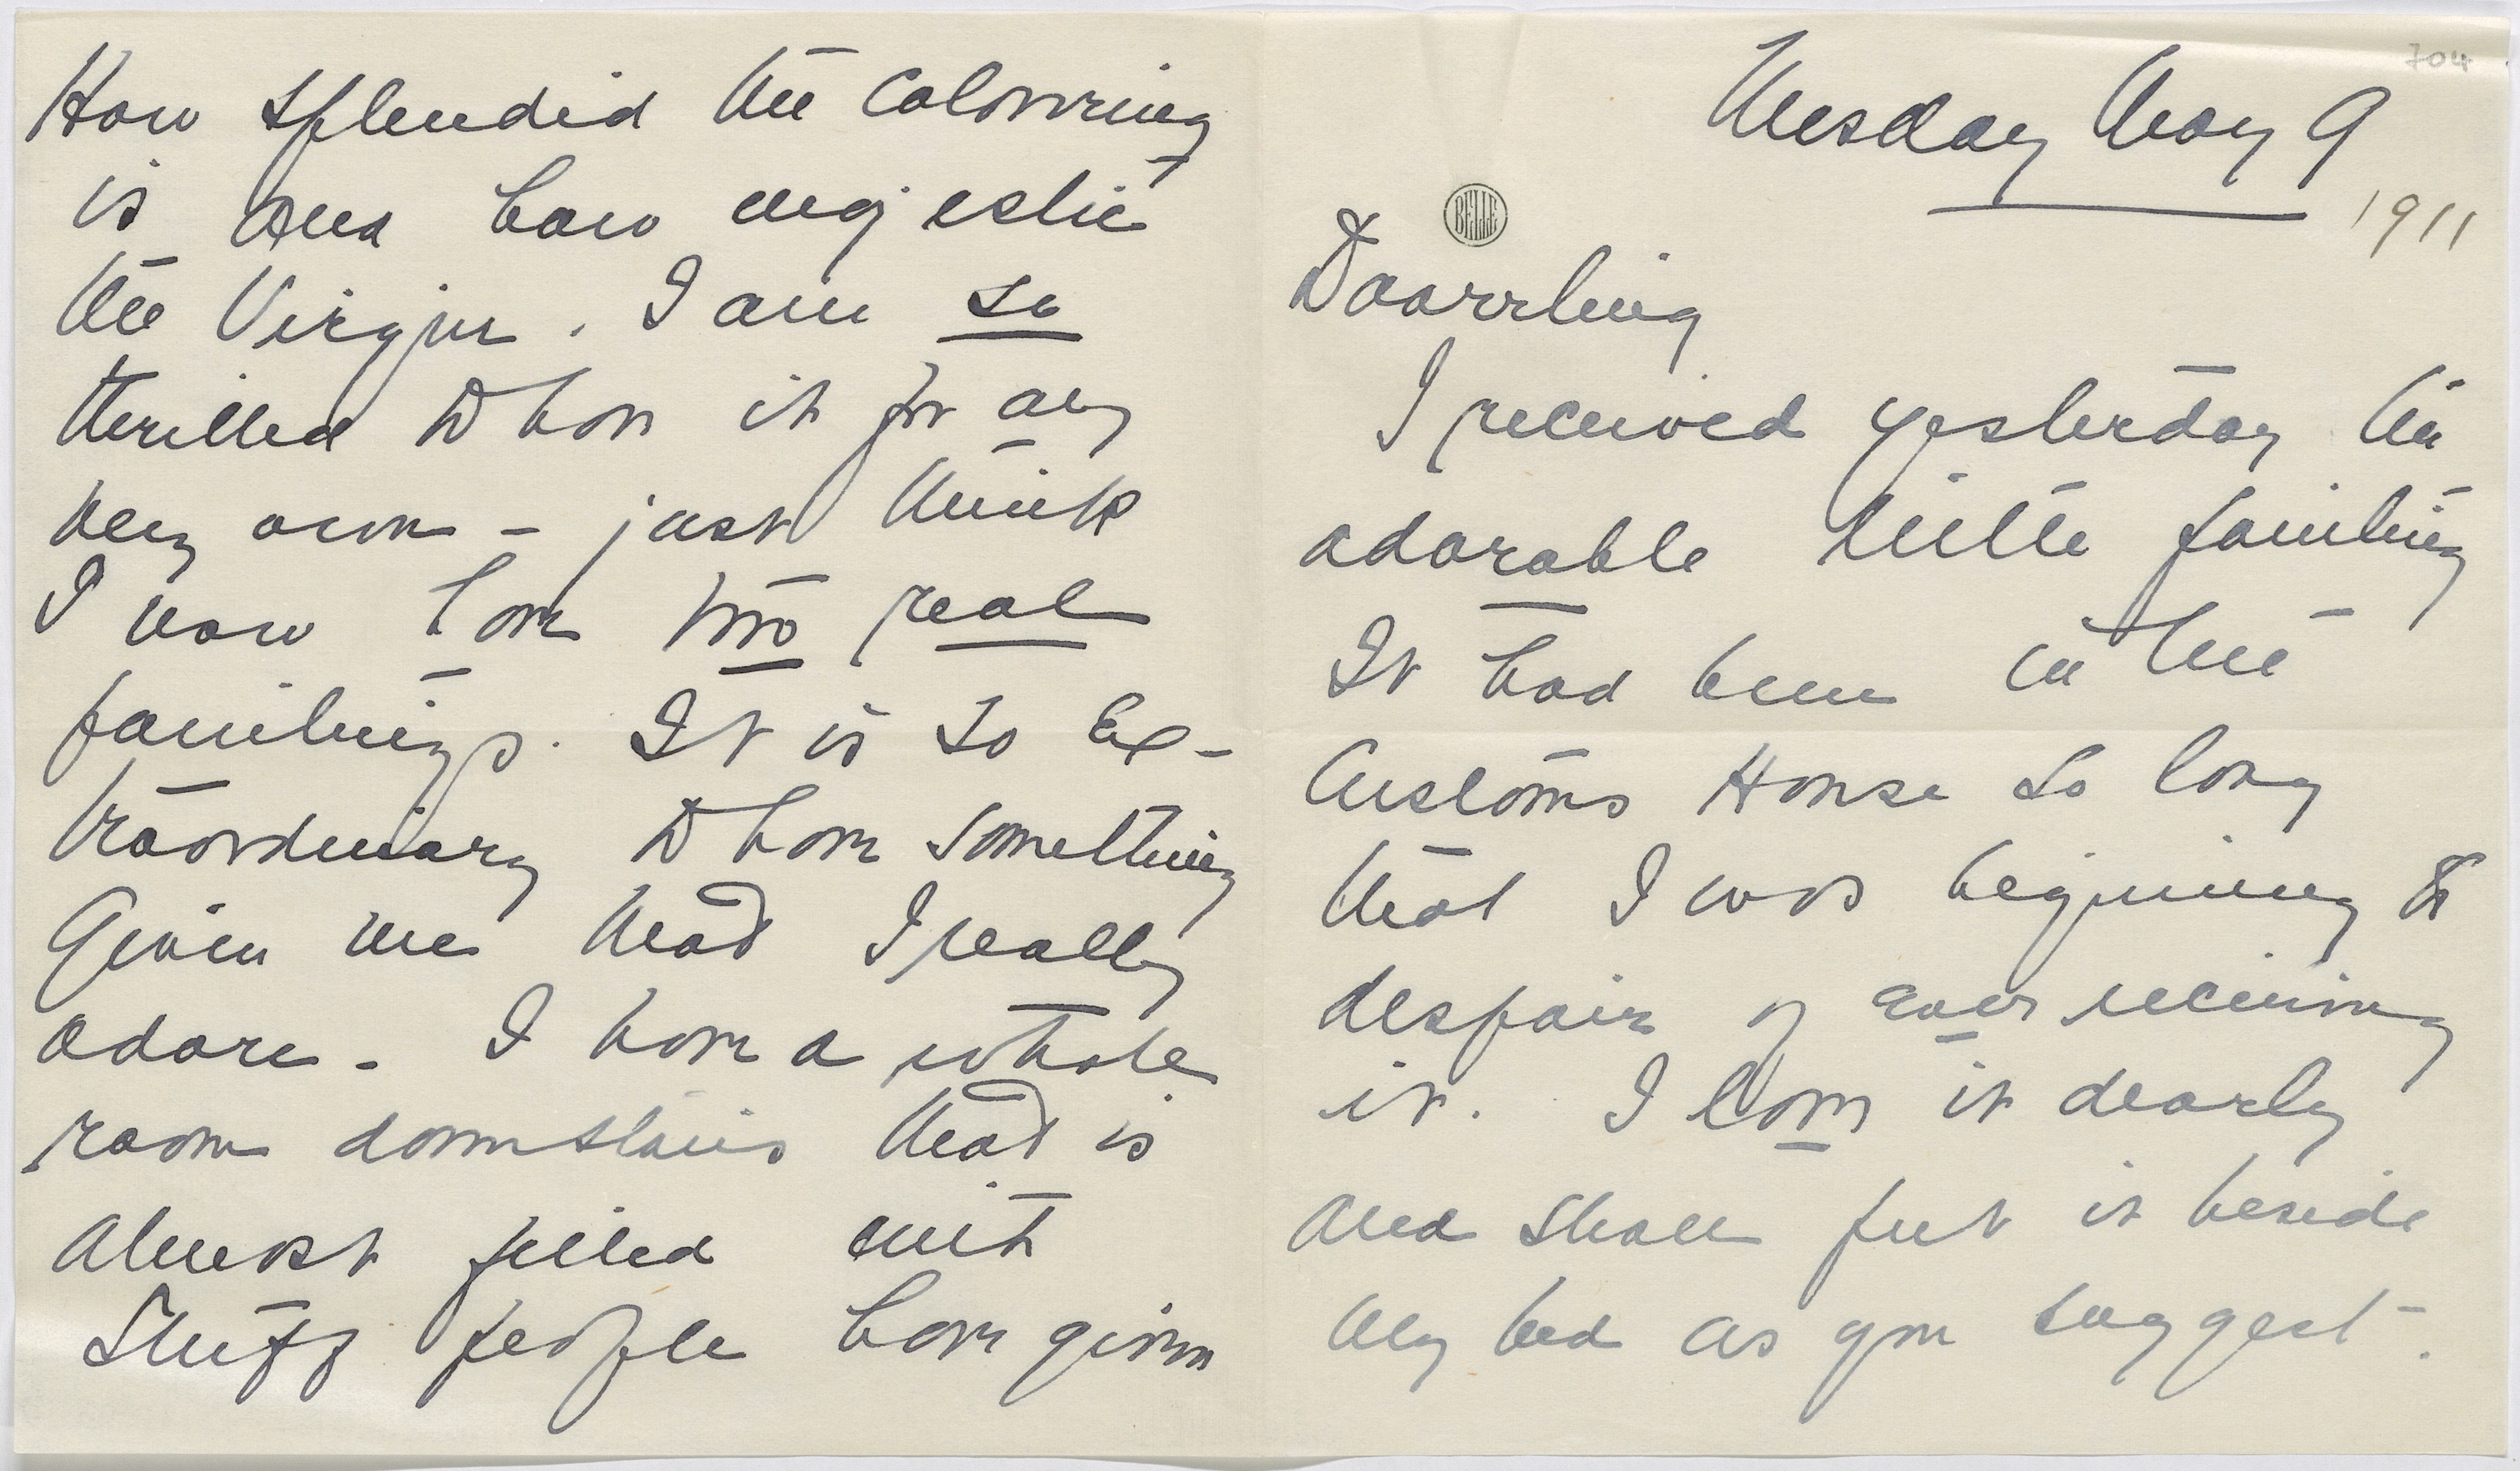Tuesday May 9
Daarrling
I received yesterday the adorable little painting
It had been in the Customs House so long that I was beginning to despair of ever receiving it. I love it dearly and shall put it beside my bed as you suggest.
How splendid the colouring is and how majestic the Virgin. I am so thrilled to have it for my very own – just think I now have two real paintings. It is so extraordinary to have something given me that I really adore. I have a whole room downstairs that is almost filled with stuff people have given